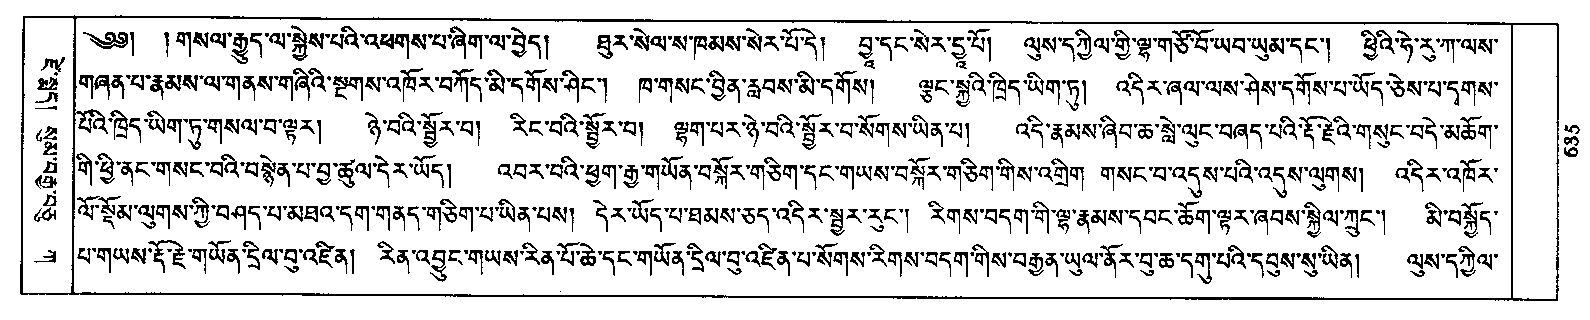༄༅། །གསལ་རྒྱུད་ལ་སྐྱེས་པའི་འཕགས་པ་ཞིག་ལ་བྱེད། ཐུར་སེལ་ས་ཁམས་སེར་པོ་དེ། བྱཱ་དང་སེར་དྱཱ་པོ། ལུས་དཀྱིལ་གྱི་ལྷ་གཙོ་བོ་ཡབ་ཡུམ་དང་། ཕྱིའི་ཧེ་རུ་ཀ་ལས་
གཞན་པ་རྣམས་ལ་གནས་གཞིའི་སྔགས་འཁོར་བཀོད་མི་དགོས་ཤིང་། ཁ་གསང་བྱིན་རླབས་མི་དགོས། ལྕང་སྐྱའི་ཁྲིད་ཡིག་ཏུ། འདིར་ཞལ་ལས་ཤེས་དགོས་པ་ཡོད་ཅེས་པ་དྭགས་
པོའི་ཁྲིད་ཡིག་ཏུ་གསལ་བ་ལྟར། ཉེ་བའི་སྦྱོར་བ། རིང་བའི་སྦྱོར་བ། ལྷག་པར་ཉེ་བའི་སྦྱོར་བ་སོགས་ཡིན་པ། འདི་རྣམས་ཞིབ་ཆ་སླེ་ལུང་བཞད་པའི་རྡོ་རྗེའི་གསུང་བདེ་མཆོག་
གི་ཕྱི་ནང་གསང་བའི་བསྙེན་པ་བྱ་ཚུལ་དེར་ཡོད། འབར་བའི་ཕྱག་རྒྱ་གཡོན་བསྐོར་གཅིག་དང་གཡས་བསྐོར་གཅིག་གིས་འགྲིག་གསང་བ་འདུས་པའི་འདུས་ལུགས། འདིར་འཁོར་
ལོ་སྡོམ་ལུགས་ཀྱི་བཤད་པ་མཐའ་དག་གནད་གཅིག་པ་ཡིན་པས། དེར་ཡོད་པ་ཐམས་ཅད་འདིར་སྦྱར་རུང་། རིགས་བདག་གི་ལྷ་རྣམས་དབང་ཆོག་ལྟར་ཞབས་སྐྱིལ་ཀྲུང་། མི་བསྐྱོད་
པ་གཡས་རྡོ་རྗེ་གཡོན་དྲིལ་བུ་འཛིན། རིན་འབྱུང་གཡས་རིན་པོ་ཆེ་དང་གཡོན་དྲིལ་བུ་འཛིན་པ་སོགས་རིགས་བདག་གིས་བརྒྱན་ཡུལ་ནོར་བུ་ཆ་དགུ་པའི་དབུས་སུ་ཡིན། ལུས་དཀྱིལ་